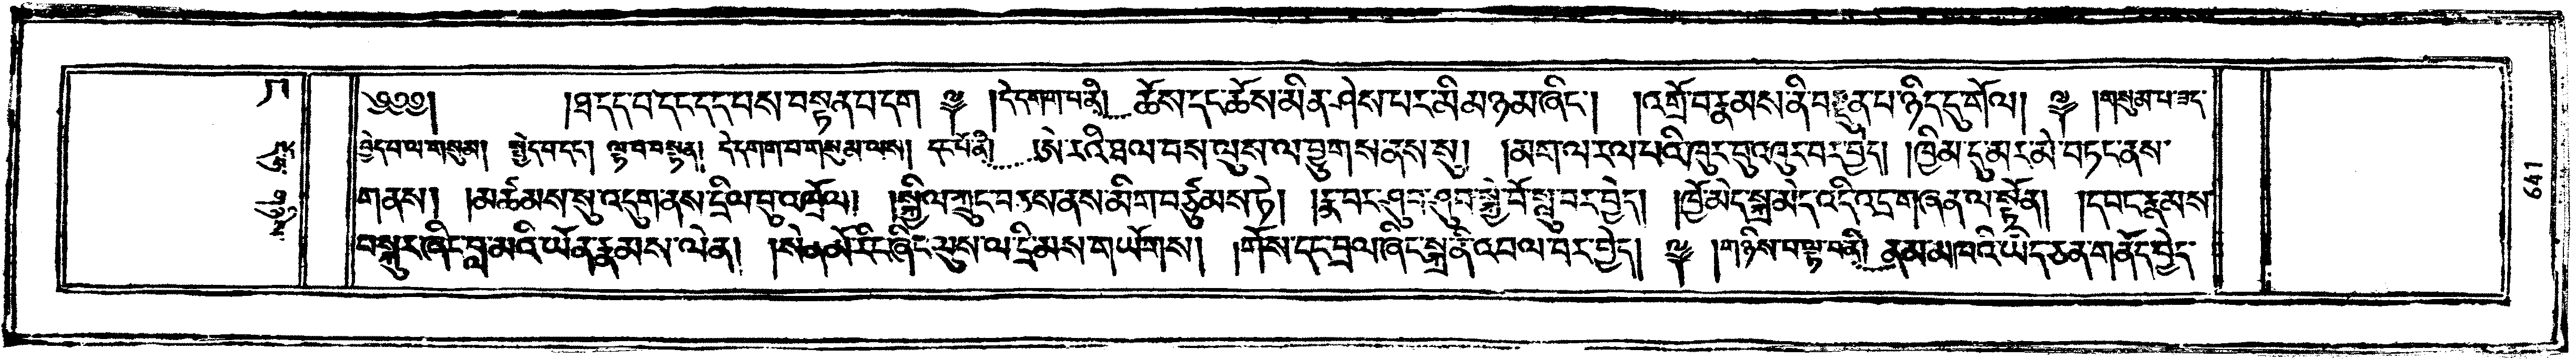༄༅། །ཐ་དད་བ་དང་དད་པས་བསྟན་པ་དག ༈ །དེ་དགག་པ་ནི། ཆོས་དང་ཆོས་མིན་ཤེས་པར་མི་མཉམ་ཞིང་། །འགྲོ་བ་རྣམས་ནི་བརྫུན་པ་ཉིད་དུ་པོས། །འཐབ་བ་བད་
བྱེད་པ་ལ་གསུམ། སྤྱེད་བ་དང་། ལྟ་བ་བསྟན། དེ་དགག་པ་གསུམ་ལས། དང་པོ་ནི། ཨེ་རའི་ཐལ་བས་ལུས་ལ་བྱུགས་ནས་སུ། །མགལ་རལ་པའི་ཁུར་བུ་འཁུར་བར་བྱེད། །ཁྱིམ་དུ་མར་མེ་བཏང་ནས་
གནས། །མཚམས་སུ་འདུག་ནས་དྲིལ་བུ་འཁྲོལ། །སྐྱིལ་ཀྲུང་བཅས་ནས་མིག་བཙུམས་ཏེ། །རྣ་བར་ཤུབ་ཤུབ་སྐྱེ་བོ་སླུ་བར་བྱེད། །ཁྱོ་མེད་སྐྲ་མེད་འདི་འདྲ་གཞན་ལ་སྟོན། །དབང་རྣམས་
བསྐུར་ཞིང་བླ་མའི་ཡོན་རྣམས་ལེན། །སེན་མོ་རིང་ཞིང་ལུས་ལ་དྲི་མས་གཡོགས། །གོས་དང་བྲལ་ཞིང་སྐྲ་ནི་འབལ་བར་བྱེད། ༈ །གཉིས་པ་ལྟ་བ་ནི། ནམ་མཁའི་ཡིད་ཅན་གནོད་བྱེད་